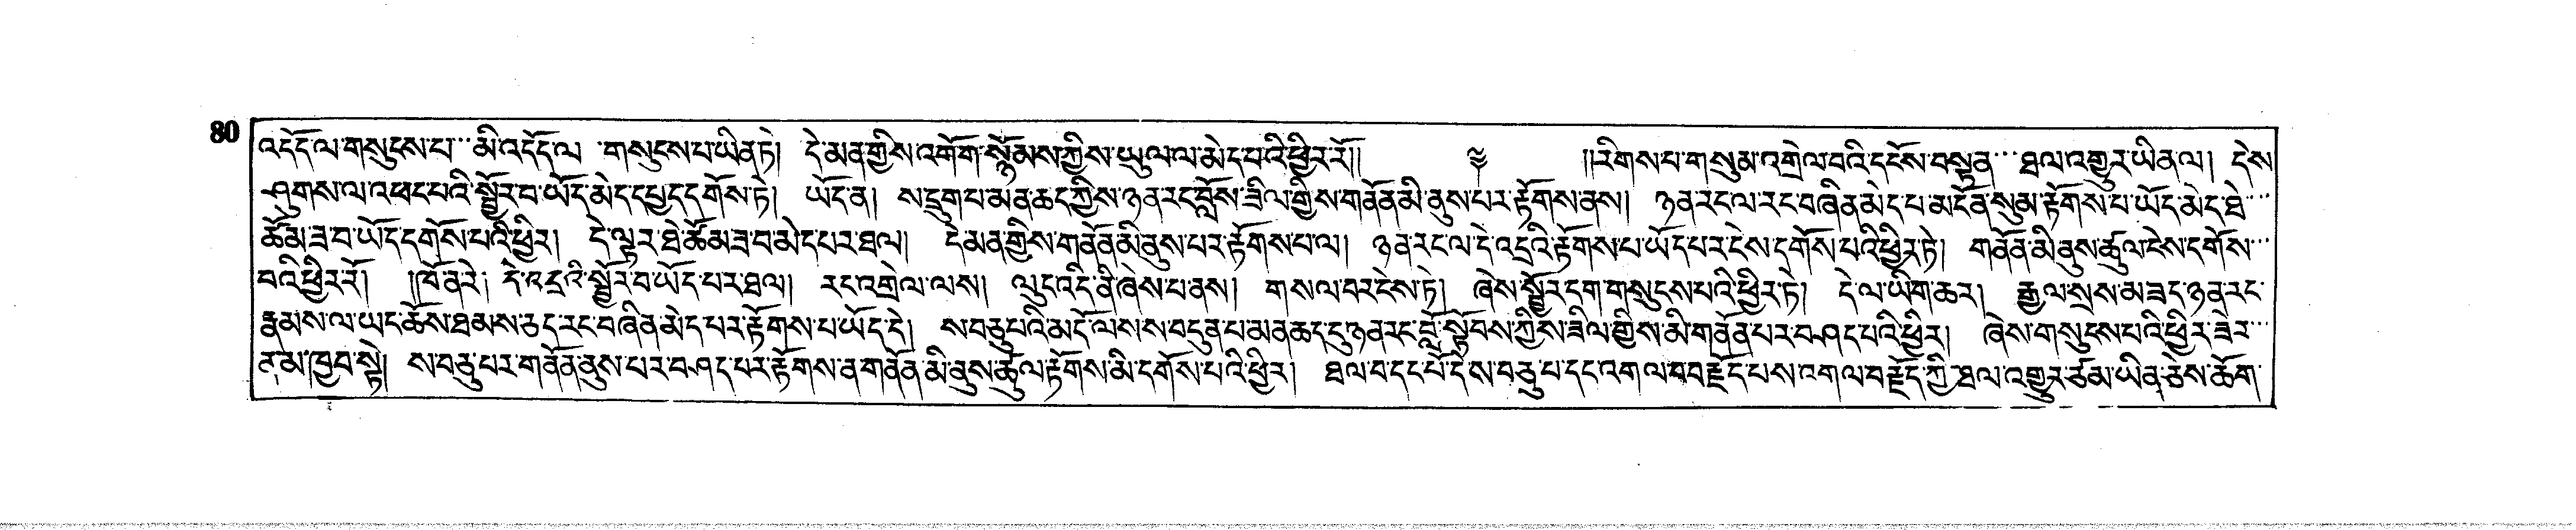འདོད་ལ་གསུངས་པ་མི་འདོད་ལ་གསུངས་པ་ཡིན་ཏེ། དེ་མན་གྱིས་འགོག་སྙོམས་ཀྱིས་ཡུལ་ལ་མེད་པའི་ཕྱིར་རོ།། ༈ །།རིགས་པ་གསུམ་འགྲེལ་བའི་དངོས་བསྟན་ཐལ་འགྱུར་ཡིན་ལ། དེས་
ཤུགས་ལ་འཕང་པའི་སྦྱོར་བ་ཡོད་མེད་དཔྱད་དགོས་ཏེ། ཡོད་ན། ས་དྲུག་པ་མན་ཆད་ཀྱིས་ཉན་རང་བློས་ཟིལ་གྱིས་གནོན་མི་ནུས་པར་རྟོགས་ནས། ཉན་རང་ལ་རང་བཞིན་མེད་པ་མངོན་སུམ་རྟོགས་པ་ཡོད་མེད་ཐེ་
ཚོམ་ཟ་བ་ཡོད་དགོས་པའི་ཕྱིར། དེ་ལྟར་ཐེ་ཚོམ་ཟ་བ་མེད་པར་ཐལ། དེ་མན་གྱིས་གནོན་མི་ནུས་པར་རྟོགས་པ་ལ། ཉན་རང་ལ་དེ་འདྲའི་རྟོགས་པ་ཡོད་པར་ངེས་དགོས་པའི་ཕྱིར་ཏེ། གནོན་མི་ནུས་ཚུལ་ངེས་དགོས་
བའི་ཕྱིར་རོ། །ཁོ་ན་རེ། དེ་འདྲའི་སྦྱོར་བ་ཡོད་པར་ཐལ། རང་འགྲེལ་ལས། ལུང་འདི་ནི་ཞེས་པ་ནས། གསལ་བར་ངེས་ཏེ། ཞེས་སྦྱོར་དག་གསུངས་པའི་ཕྱིར་ཏེ། དེ་ལ་ཡིག་ཆར། རྒྱལ་སྲས་མ་ཟད་ཉན་རང་
རྣམས་ལ་ཡང་ཆོས་ཐམས་ཅད་རང་བཞིན་མེད་པར་རྟོགས་པ་ཡོད་དེ། ས་བཅུ་པའི་མདོ་ལས་ས་བདུན་པ་མན་ཆད་དུ་ཉན་རང་བློ་སྟོབས་ཀྱིས་ཟིལ་གྱིས་མི་གནོན་པར་བཤད་པའི་ཕྱིར། ཞེས་གསུངས་པའི་ཕྱིར་ཟེར་
ན་མ་ཁྱབ་སྟེ། ས་བཅུ་པར་གནོན་ནུས་པར་བཤད་པར་རྟོགས་ན་གནོན་མི་ནུས་ཚུལ་རྟོགས་མི་དགོས་པའི་ཕྱིར། ཐལ་བ་དང་པོ་དེ་ས་བཅུ་པ་དང་འགལ་བ་བརྗོད་པས་འགལ་བརྗོད་ཀྱི་ཐལ་འགྱུར་ཙམ་ཡིན་ཅེས་ཆོག་